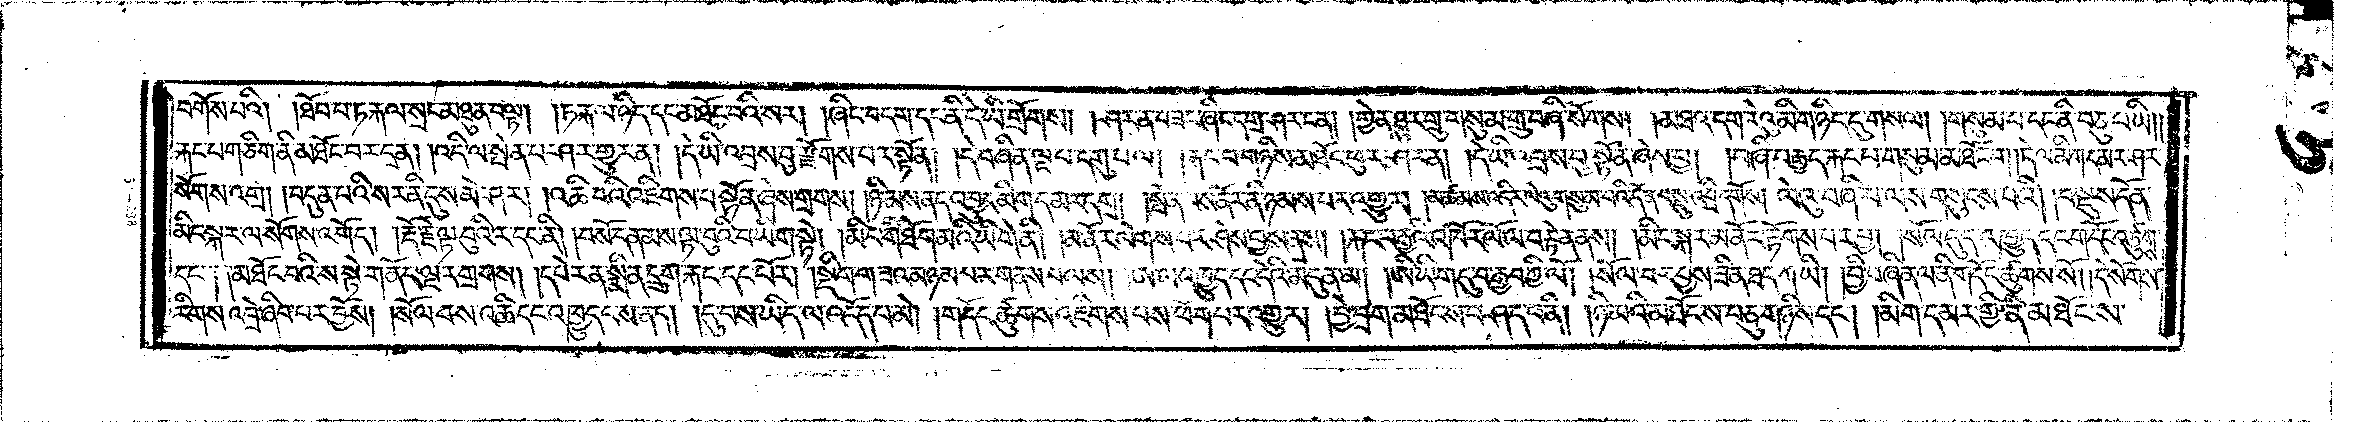བགོས་པའི། །ཐོབ་པ་ཏ་རྐལ་སྲང་མཐུན་བལྟ། །ཏརྐལ་ཉིད་དང་མཐོང་བའི་སར། །ཞིང་བདག་དང་ནི་དེ་ཡི་གྲོགས། །ཤར་ན་བཟང་ཞིང་དགྲ་ཤར་ངན། །གྱེན་ཐུར་གྲུ་གསུམ་གྲུ་བཞི་སོགས། །མཐའ་དག་རེའུ་མིག་ཉིད་དུ་གསལ། །གསུམ་པ་དང་ནི་བཅུ་པ་ཡི། །
རྐང་པ་གཅིག་ནི་མཐོང་བར་དྲན། །འདི་ལ་སྤེན་པ་ཤར་གྱུར་ན། །དེ་ཡི་འབྲས་བུ་རྫོགས་པར་སྟོན། །དེ་བཞིན་ལྔ་པ་དགུ་པ་ལ། །རྐང་བ་གཉིས་མཐོང་ཕུར་ཤར་ན། །དེ་ཡི་འབྲས་བུ་སྟོན་ཞེས་བྱ། །བཞི་བརྒྱད་རྐང་པ་གསུམ་མཐོང་ག། དེ་ལ་མིག་དམར་ཤར་
སོགས་འགྲོ། །བདུན་པའི་སར་ནི་དུས་མེ་ཤར། །འཆི་བའི་འཇིགས་པ་སྟོན་ཞེས་གྲགས། །ཉི་མས་ནད་འབྱུང་མིག་དམར་དགྲ། །སྤེན་པས་ནོར་ནི་ཉམས་པར་འགྱུར། །མཚམས་འདིར་ལེའུ་གསུམ་པའི་དོན་བསྡུ་འབྲི་དགོས། །ལེའུ་བཞི་པ་ལས་གསུངས་པའི། །བསྡུས་དོན་
མིང་སྐར་ལ་སོགས་འགོད། །རྡོ་རྗེ་ལྟ་བུའི་ར་དང་ནི། །བསོད་ནམས་ལྟ་བུའི་བ་ཡིག་སྟེ། །མིང་གི་ཐོག་མའི་ཡི་གེ་ནི། །མ་ནོར་ལེགས་པ་ཤེས་བྱས་ནས། །རྐང་པ་རྒྱའི་འཁོར་ལོ་ལ་བརྟེན་ནས། །མིང་སྐར་མ་ནོར་རྟོགས་པར་བྱ། །སོལ་དུད་འཁྱུད་དང་གདོང་བཙུགས་
དང༑ ༑མཐོང་བའི་ས་སྟེ་གནོད་ལྔར་གྲགས། །དཔེར་ན་སྨིན་དྲུག་རྐང་དང་པོར། །སྡིག་གཟའ་མཉམ་པར་གནས་པ་ལས། །ཨ་ལ་འབྱུང་དང་དེའི་མདུན་མ། །ཨི་ཡི་གདུ་བ་རྒྱ་བ་ཀྱི་ལོ། །སོལ་བར་བྱས་ཟིན་ཐ་དག་ཡི། །བྱི་བཞིན་ལ་ནི་གདོང་ཚུགས་སོ། །དེ་སོགས་
རིགས་འབྲེ་ཞིབ་པར་བྱོས། །སོལ་བས་འཆི་དང་འཁྱུད་པས་ནད། །དུ་བས་ཡིད་ལ་འདོད་པ་མེ། །གདོང་ཚུགས་འཇིགས་པས་ཕོག་པར་འགྱུར། །བྱེ་བྲག་མཐོངས་བཤད་པ་ནི། །ཉི་མའི་མཐོངས་བཅུ་གཉིས་དང་། །མིག་དམར་གྱི་ནི་མཐོང་ས་